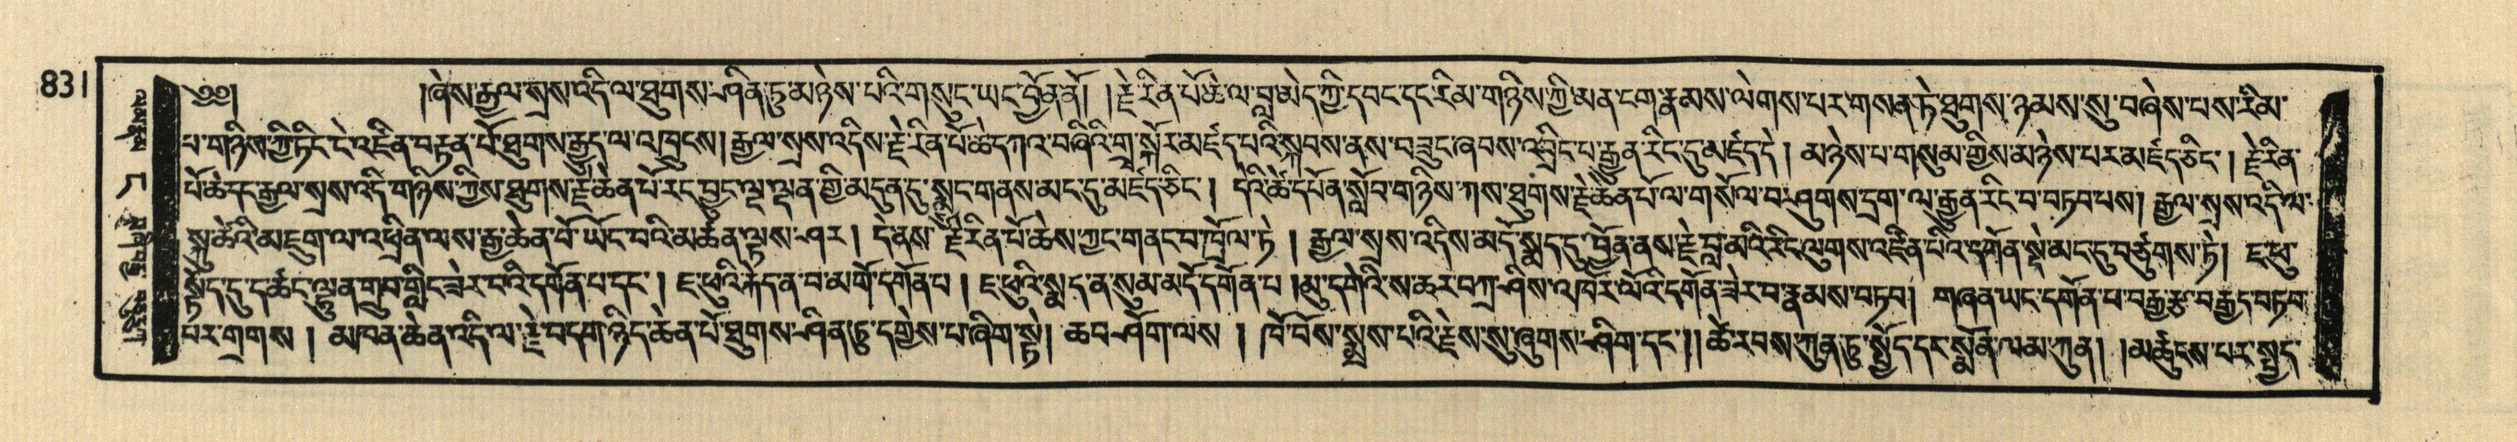༄༅། །ཞེས་རྒྱལ་སྲས་འདི་ལ་ཐུགས་ཤིན་ཏུ་མཉེས་པའི་གསུང་ཡང་བྱོན་ནོ། །རྗེ་རིན་པོ་ཆེ་ལ་བླ་མེད་ཀྱི་དབང་དང་རིམ་གཉིས་ཀྱི་མན་ངག་རྣམས་ལེགས་པར་གསན་ཏེ་ཐུགས་ཉམས་སུ་བཞེས་པས་རིམ་
པ་གཉིས་ཀྱི་ཏིང་ངེ་འཛིན་བརྟན་པོ་ཐུགས་རྒྱུད་ལ་འཁྲུངས། རྒྱལ་སྲས་འདིས་རྗེ་རིན་པོ་ཆེ་དཀའ་བཞིའི་གྲྭ་སྐོར་མཛད་པའི་སྐབས་ནས་བཟུང་ཞབས་འབྲིང་པ་རྒྱུན་རིང་དུ་མཛད་དེ། མཉེས་པ་གསུམ་གྱིས་མཉེས་པར་མཛད་ཅིང་། རྗེ་རིན་
པོ་ཆེ་དང་རྒྱལ་སྲས་འདི་གཉིས་ཀྱིས་ཐུགས་རྗེ་ཆེན་པོ་རང་བྱུང་ལྔ་ལྡན་གྱི་མདུན་དུ་སྨྱུང་གནས་མང་དུ་མཛད་ཅིང་། དེའི་ཚེ་དཔོན་སློབ་གཉིས་ཀས་ཐུགས་རྗེ་ཆེན་པོ་ལ་གསོལ་བ་ཤུགས་དྲག་ལ་རྒྱུན་རིང་བ་བཏབ་པས། རྒྱལ་སྲས་འདི་ལ་
སྐུ་ཚེའི་མཇུག་ལ་འཕྲིན་ལས་རྒྱ་ཆེན་པོ་ཡོང་བའི་མཚན་ལྟས་ཤར། དེ་ནས་རྗེ་རིན་པོ་ཆེས་ཀྱང་གནང་བ་ཁྲོལ་ཏེ། རྒྱལ་སྲས་འདིས་མདོ་སྨད་དུ་བྱོན་ནས་རྗེ་བླ་མའི་རིང་ལུགས་འཛིན་པའི་དགོན་སྡེ་མང་དུ་བཙུགས་ཏེ། ཇ་ཕུ་
སྟོད་དུ་ད་ཚང་ལྷུན་གྲུབ་གླིང་ཟེར་བའི་དགོན་པ་དང་། ཇ་ཕུའི་རྐེད་ན་བ་མགོ་དགོན་པ། ཇ་ཕུའི་སྨད་ན་སུམ་མདོ་དགོན་པ་།མུ་དགེའི་ས་ཆར་བཀྲ་ཤིས་འཁོར་ལོའི་དགོན་ཟེར་བ་རྣམས་བཏབ། གཞན་ཡང་དགོན་པ་བརྒྱ་རྩ་བརྒྱད་བཏབ་
པར་གྲགས། མཁན་ཆེན་འདི་ལ་རྗེ་བདག་ཉིད་ཆེན་པོ་ཐུགས་ཤིན་ཏུ་དགྱེས་པ་ཞིག་སྟེ། ཆབ་ཤོག་ལས་།ཁོ་བོས་སྨྲས་པའི་རྗེས་སུ་ཞུགས་ཤིག་དང་། །ཚེ་རབས་ཀུན་ཏུ་སྤྱོད་དང་སྨོན་ལམ་ཀུན། །མཚུངས་པར་སྤྱད་